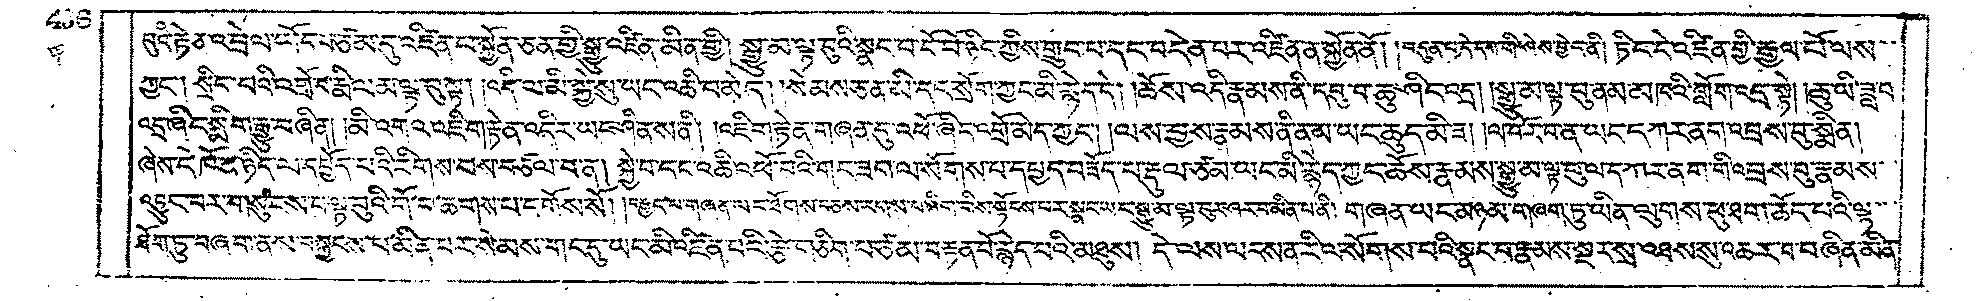བུའི་རྟེན་འབྲེལ་ཡོད་པ་ཙམ་དུ་འཛིན་པ་སྐྱོན་ཅན་གྱི་སྒྱུ་འཛིན་མིན་གྱི། སྒྱུ་མ་ལྟ་བུའི་སྣང་བ་ངོ་བོ་ཉིད་ཀྱིས་གྲུབ་པ་དང་བདེན་པར་འཛིན་ན་སྐྱོན་ནོ། །འདུན་པ་དེ་དག་གི་ཤེས་བྱེད་ནི།  ཏིང་ངེ་འཛིན་གྱི་རྒྱལ་པོ་ལས་
ཀྱང་། སྲིད་པའི་འགྲོ་བ་རྨི་ལམ་ལྟ་བུ་སྟེ། །འདི་ལ་མི་སྐྱེ་སུ་ཡང་འཆི་བ་མེད། །སེམས་ཅན་མི་དང་སྲོག་ཀྱང་མི་རྙེད་དེ། །ཆོས་འདི་རྣམས་ནི་དབུ་བ་ཆུ་ཤིང་འདྲ། །སྒྱུ་མ་ལྟ་བུ་ནམ་མཁའི་གློག་འདྲ་སྟེ། །ཆུ་ཡི་ཟླ་བ་
འདྲ་ཞིང་སྨིག་རྒྱུ་བཞིན། །མི་འགའ་འཇིག་རྟེན་འདིར་ཡང་ཤི་ནས་ནི། །འཇིག་རྟེན་གཞན་དུ་འཕོ་ཞིང་འགྲོ་མེད་ཀྱང་། །ལས་བྱས་རྣམས་ནི་ནམ་ཡང་ཆུད་མི་ཟ། །འཁོར་བ་ན་ཡང་དཀར་ནག་འབྲས་བུ་སྨིན།
ཞེས་དེ་ཁོ་ན་ཉིད་ལ་དཔྱོད་པའི་རིགས་པས་བཙལ་བ་ན། སྐྱེ་བ་དང་འཆི་འཕོ་བའི་གང་ཟག་ལ་སོགས་པ་དཔྱད་བཟོད་པ་རྡུལ་ཙམ་ཡང་མི་རྙེད་ཀྱང་ཆོས་རྣམས་སྒྱུ་མ་ལྟ་བུ་ལ་དཀར་ནག་གི་འབྲས་བུ་རྣམས་
འབྱུང་བར་གསུངས་པ་ལྟ་བུའི་གོ་བ་ཆགས་པ་དགོས་སོ། །བརྒྱད་པ་གཞན་ཡང་ཐོགས་བཅས་རགས་པ་ཞིག་གིས་སྟོངས་པར་སྣང་ཡང་སྒྱུ་མ་ལྟ་བུར་ཤར་བ་མིན་པ་ནི།  གཞན་ཡང་མཉམ་གཞག་ཏུ་ཡིན་ལུགས་ཕུ་ཐག་ཆོད་པའི་ལྟ་
ཐོག་ཏུ་བཞག་ནས་བསྐྱངས་པ་མིན་པར་སེམས་གང་དུ་ཡང་མི་འཛིན་པའི་རྩེ་གཅིག་པ་ཙམ་བརྟན་པོ་རྙེད་པའི་མཐུས། དེ་ལས་ལངས་ན་རི་ལ་སོགས་པའི་སྣང་བ་རྣམས་སྔར་སྲ་འཐས་སུ་འཆར་བ་བཞིན་མིན་